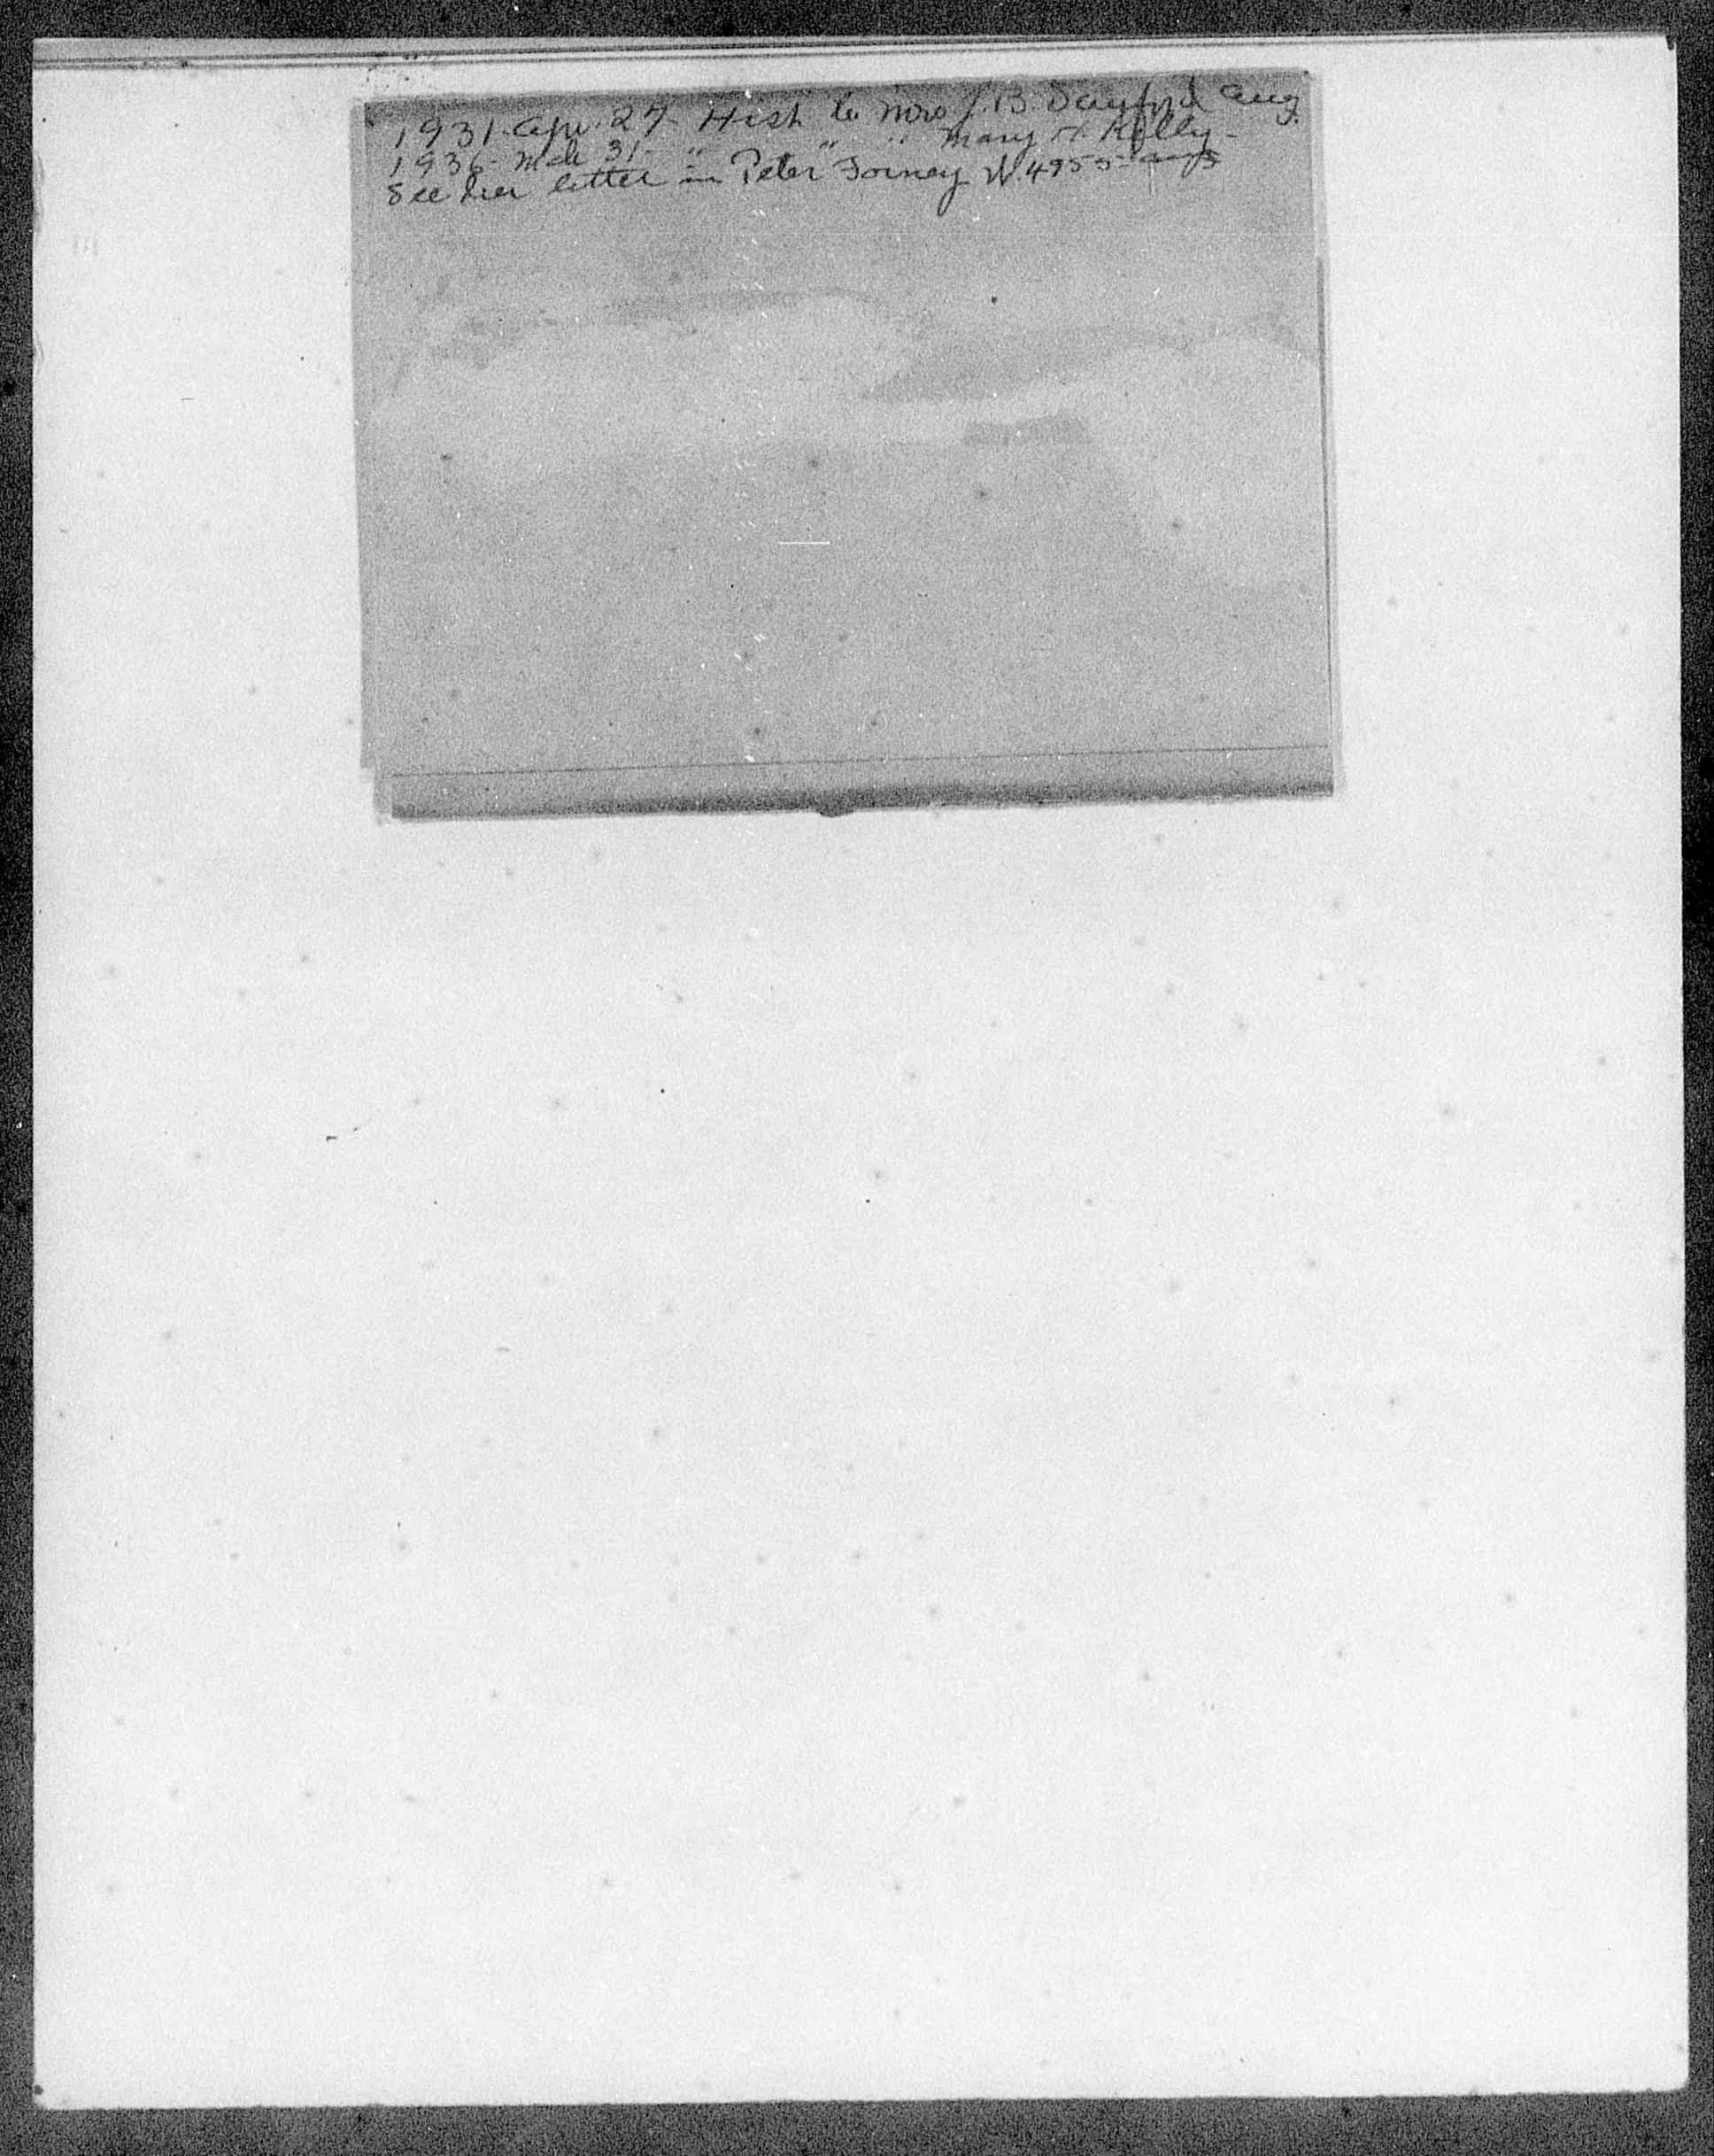1931   27
1936
See   letter in Peter Journey W. 495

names: Peter Forney, Mary H Kelly, J B Sanford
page: 15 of 16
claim: survivor's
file: S. 6,894, Robison Goodwin, N.C.